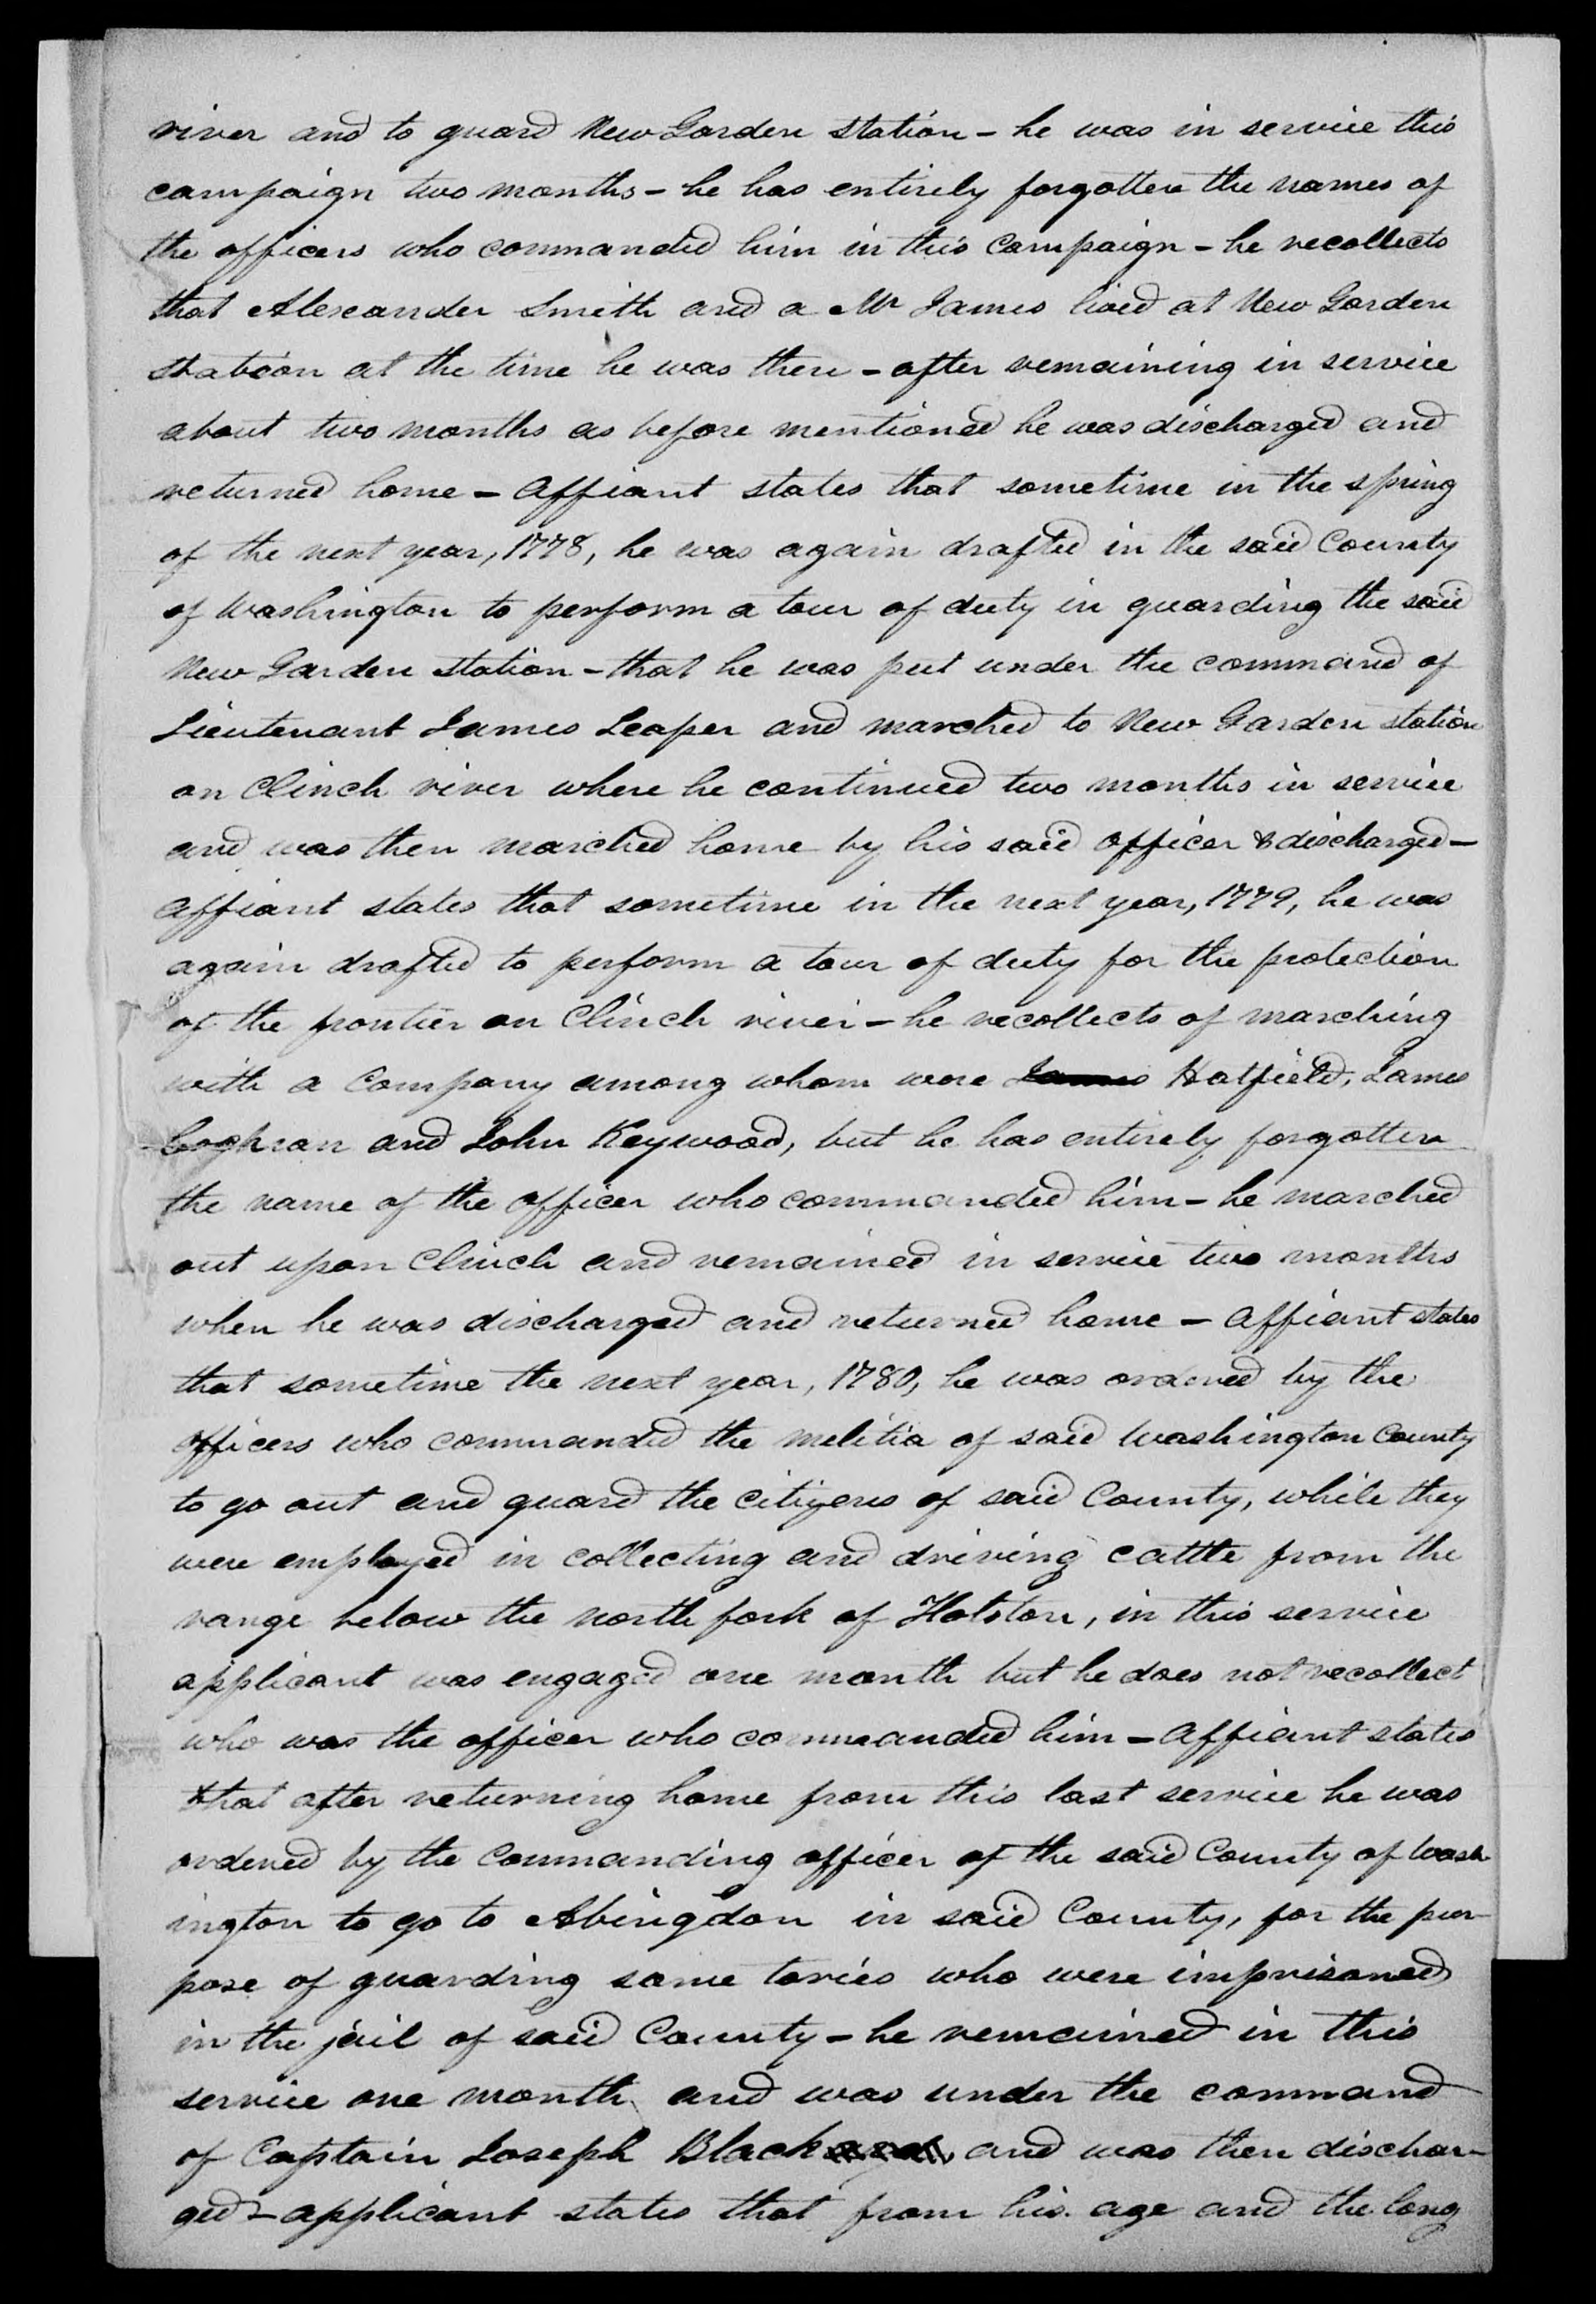river and to guard New Garden Station - he was in service this campaign two months - he has entirely forgotten the names of the officers who commanded him in this campaign - he recollects that Alexander Smith and a Mr. James lived at New Garden Station at the time he was there - after remaining in service about two months as before mentioned he was discharged and returned home - Applicant states that sometime in the spring of the next year, 1778, he was again drafted in the said County of Washington to perform a tour of duty in guarding the said New Garden Station - that he was put under the command of Lieutenant James Leaper and marched to New Garden Station on Clinch River where he continued two months in service and was then marched home by his said officer & discharged - Applicant states that sometime in the next year, 1779, he was again drafted to perform a tour of duty for the protection of the frontier on Clinch River - he recollects of marching with a company among whom were James [crossed out] Hatfield, James Cochran and John Heywood, but he has entirely forgotten the. name of the officer who commanded him - he marched out upon Clinch and remained in service two months when he was discharged and returned home - Applicant states that sometime the next year, 1780, he was ordered by the officers who commanded the militia of said Washington County to go out and guard the citizens of said county, while they were employed in collecting and driving cattle from the range below the north fork of Holston, in this service applicant was engaged one month but he does not recollect who was the officer who commanded him - applicant states that after returning home from this last service he was ordered by the commanding officer of the said County of Washington to go to Abingdon in said County, for the  purpose of guarding some Tories who were imprisoned in the jail of the said county - he remained in this service one month and was under the command of Captain Joseph Blackard [ard crossed out] and was there discharged - applicant states that from his age and the long [page ends]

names: John Keywood, Joseph Blackard, James Leaper, James Cochran, Alexander Smith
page: 5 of 19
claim: survivor's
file: S. 1826, George Hufacre, Va.